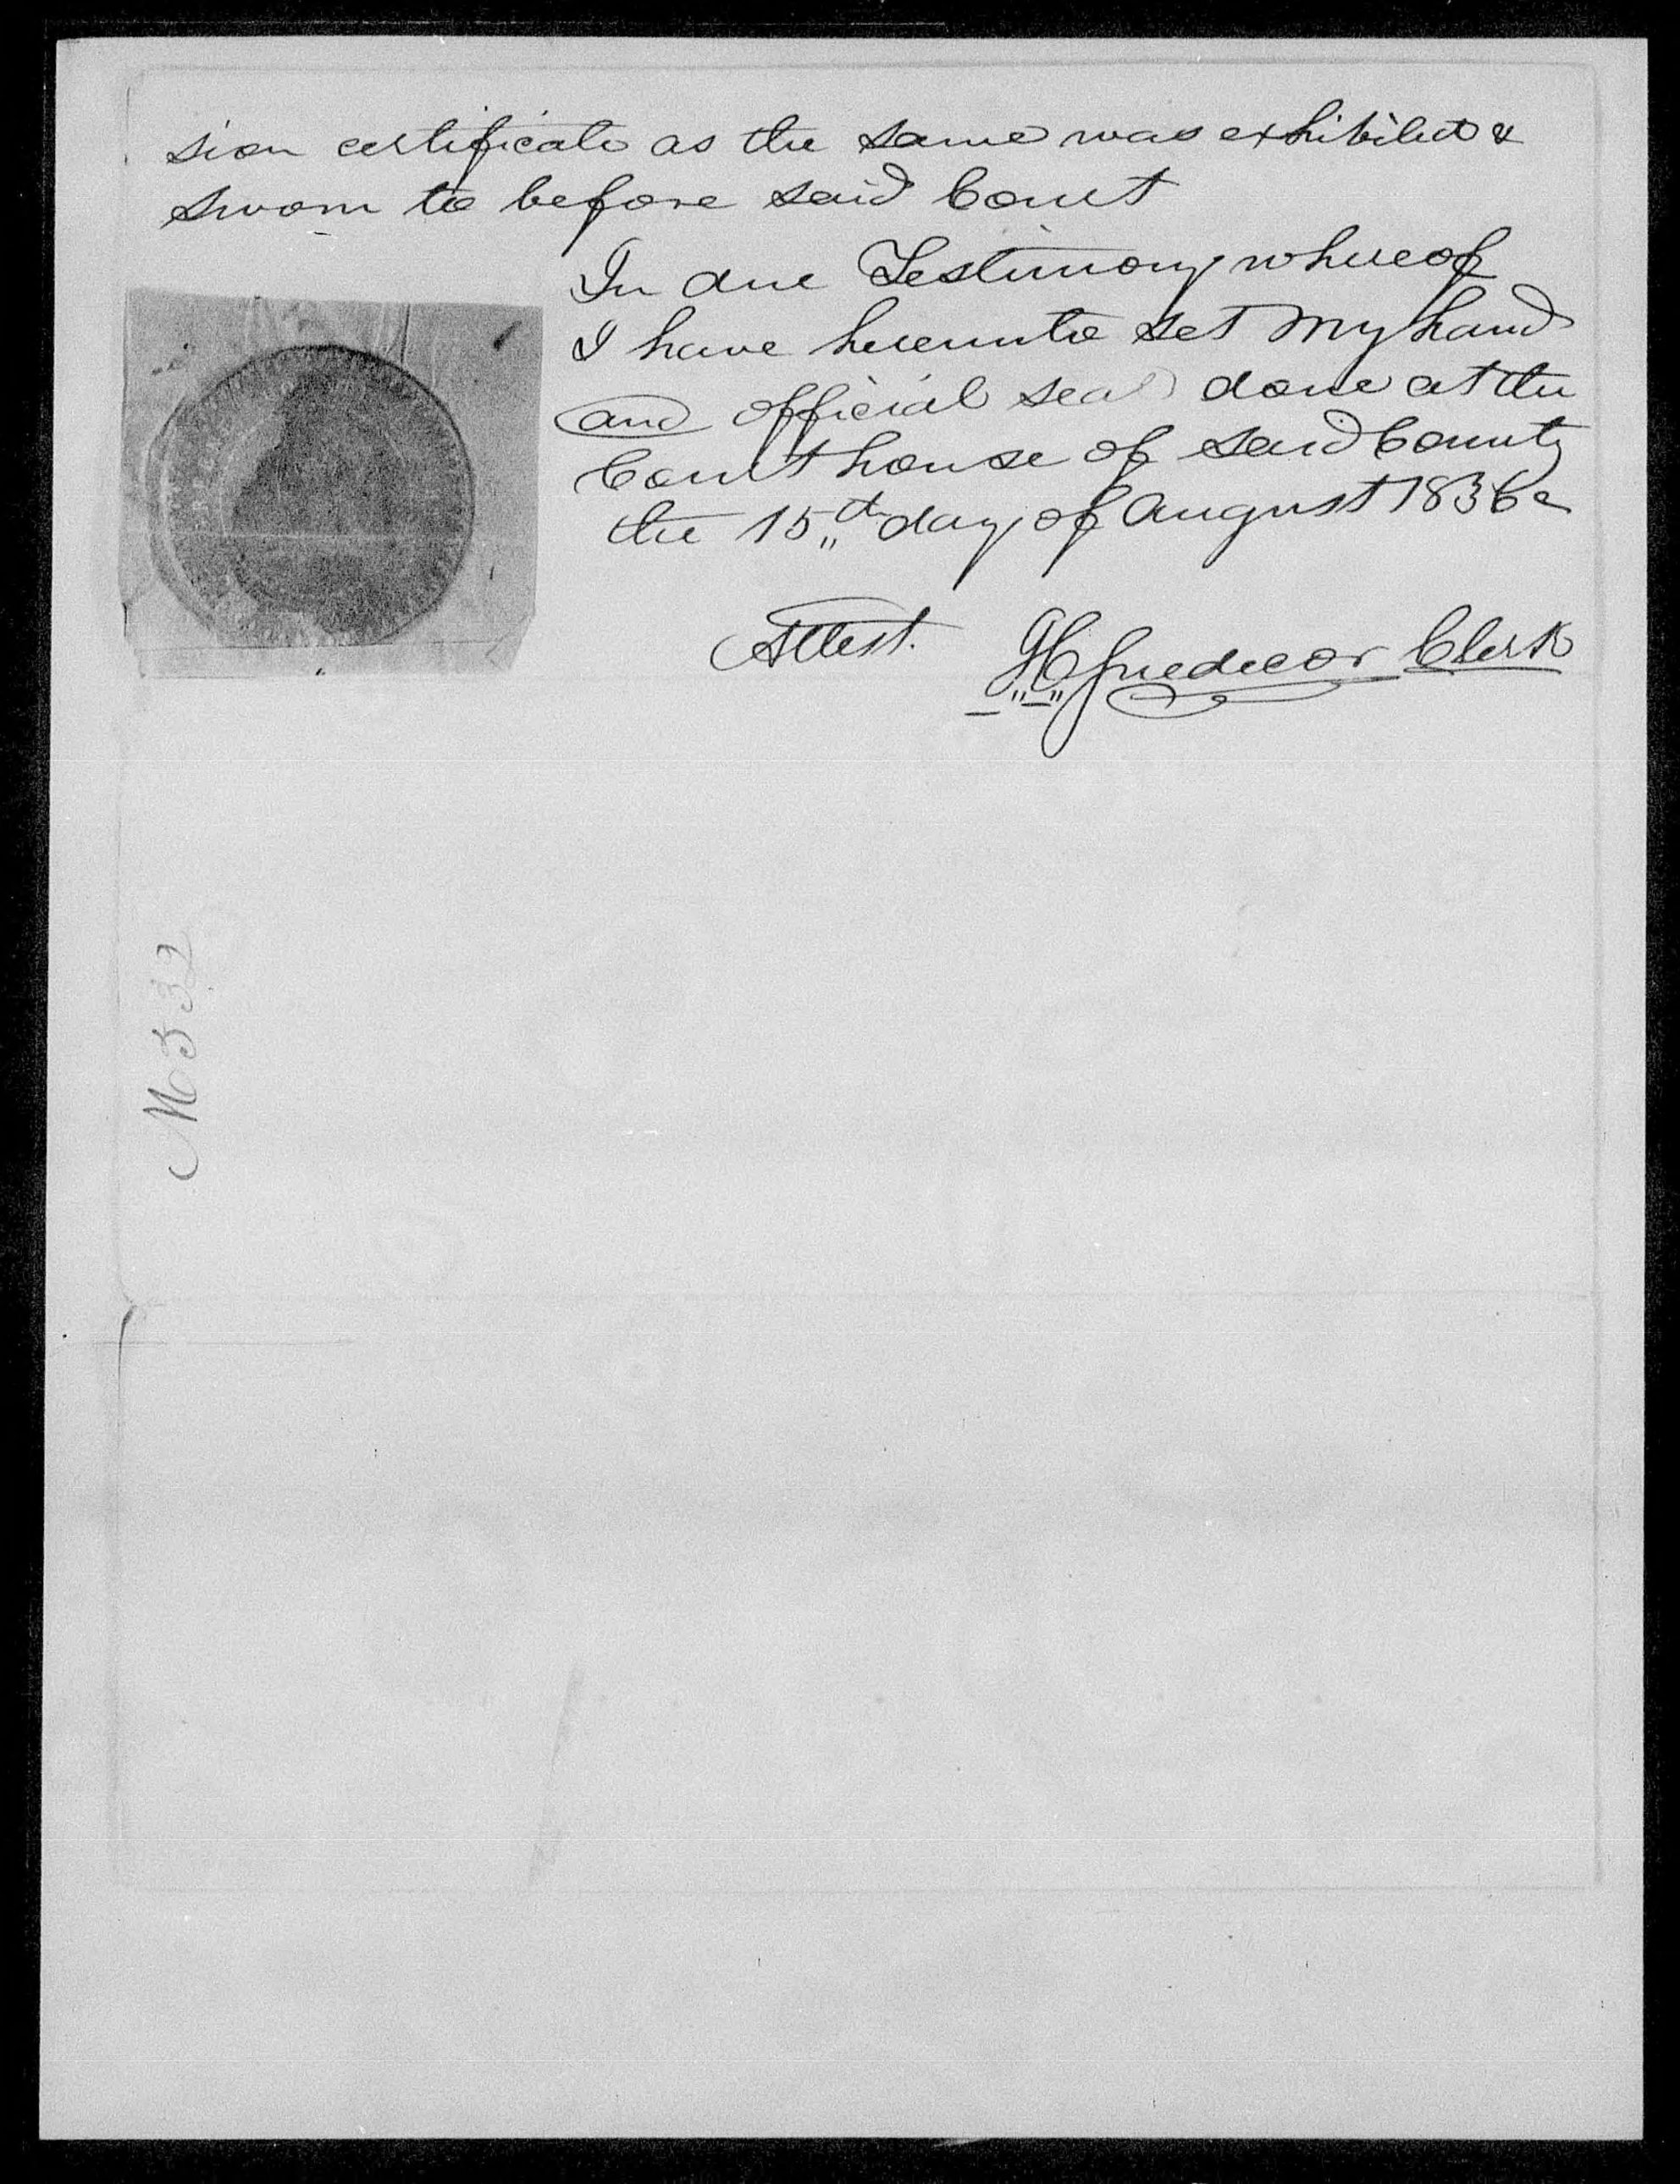sion certificate as the same was exhibited &
In due Testimony whereof I have hereunto set my hand and official seal done at the Court house of said County the 15th day of August 1836
Attest.
I. C. Snedecor Clerk

[image of a round seal in square background, illegible, left side of document]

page: 33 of 45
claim: survivor's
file: S. 13,890, for James Mc Carter, South Carolina